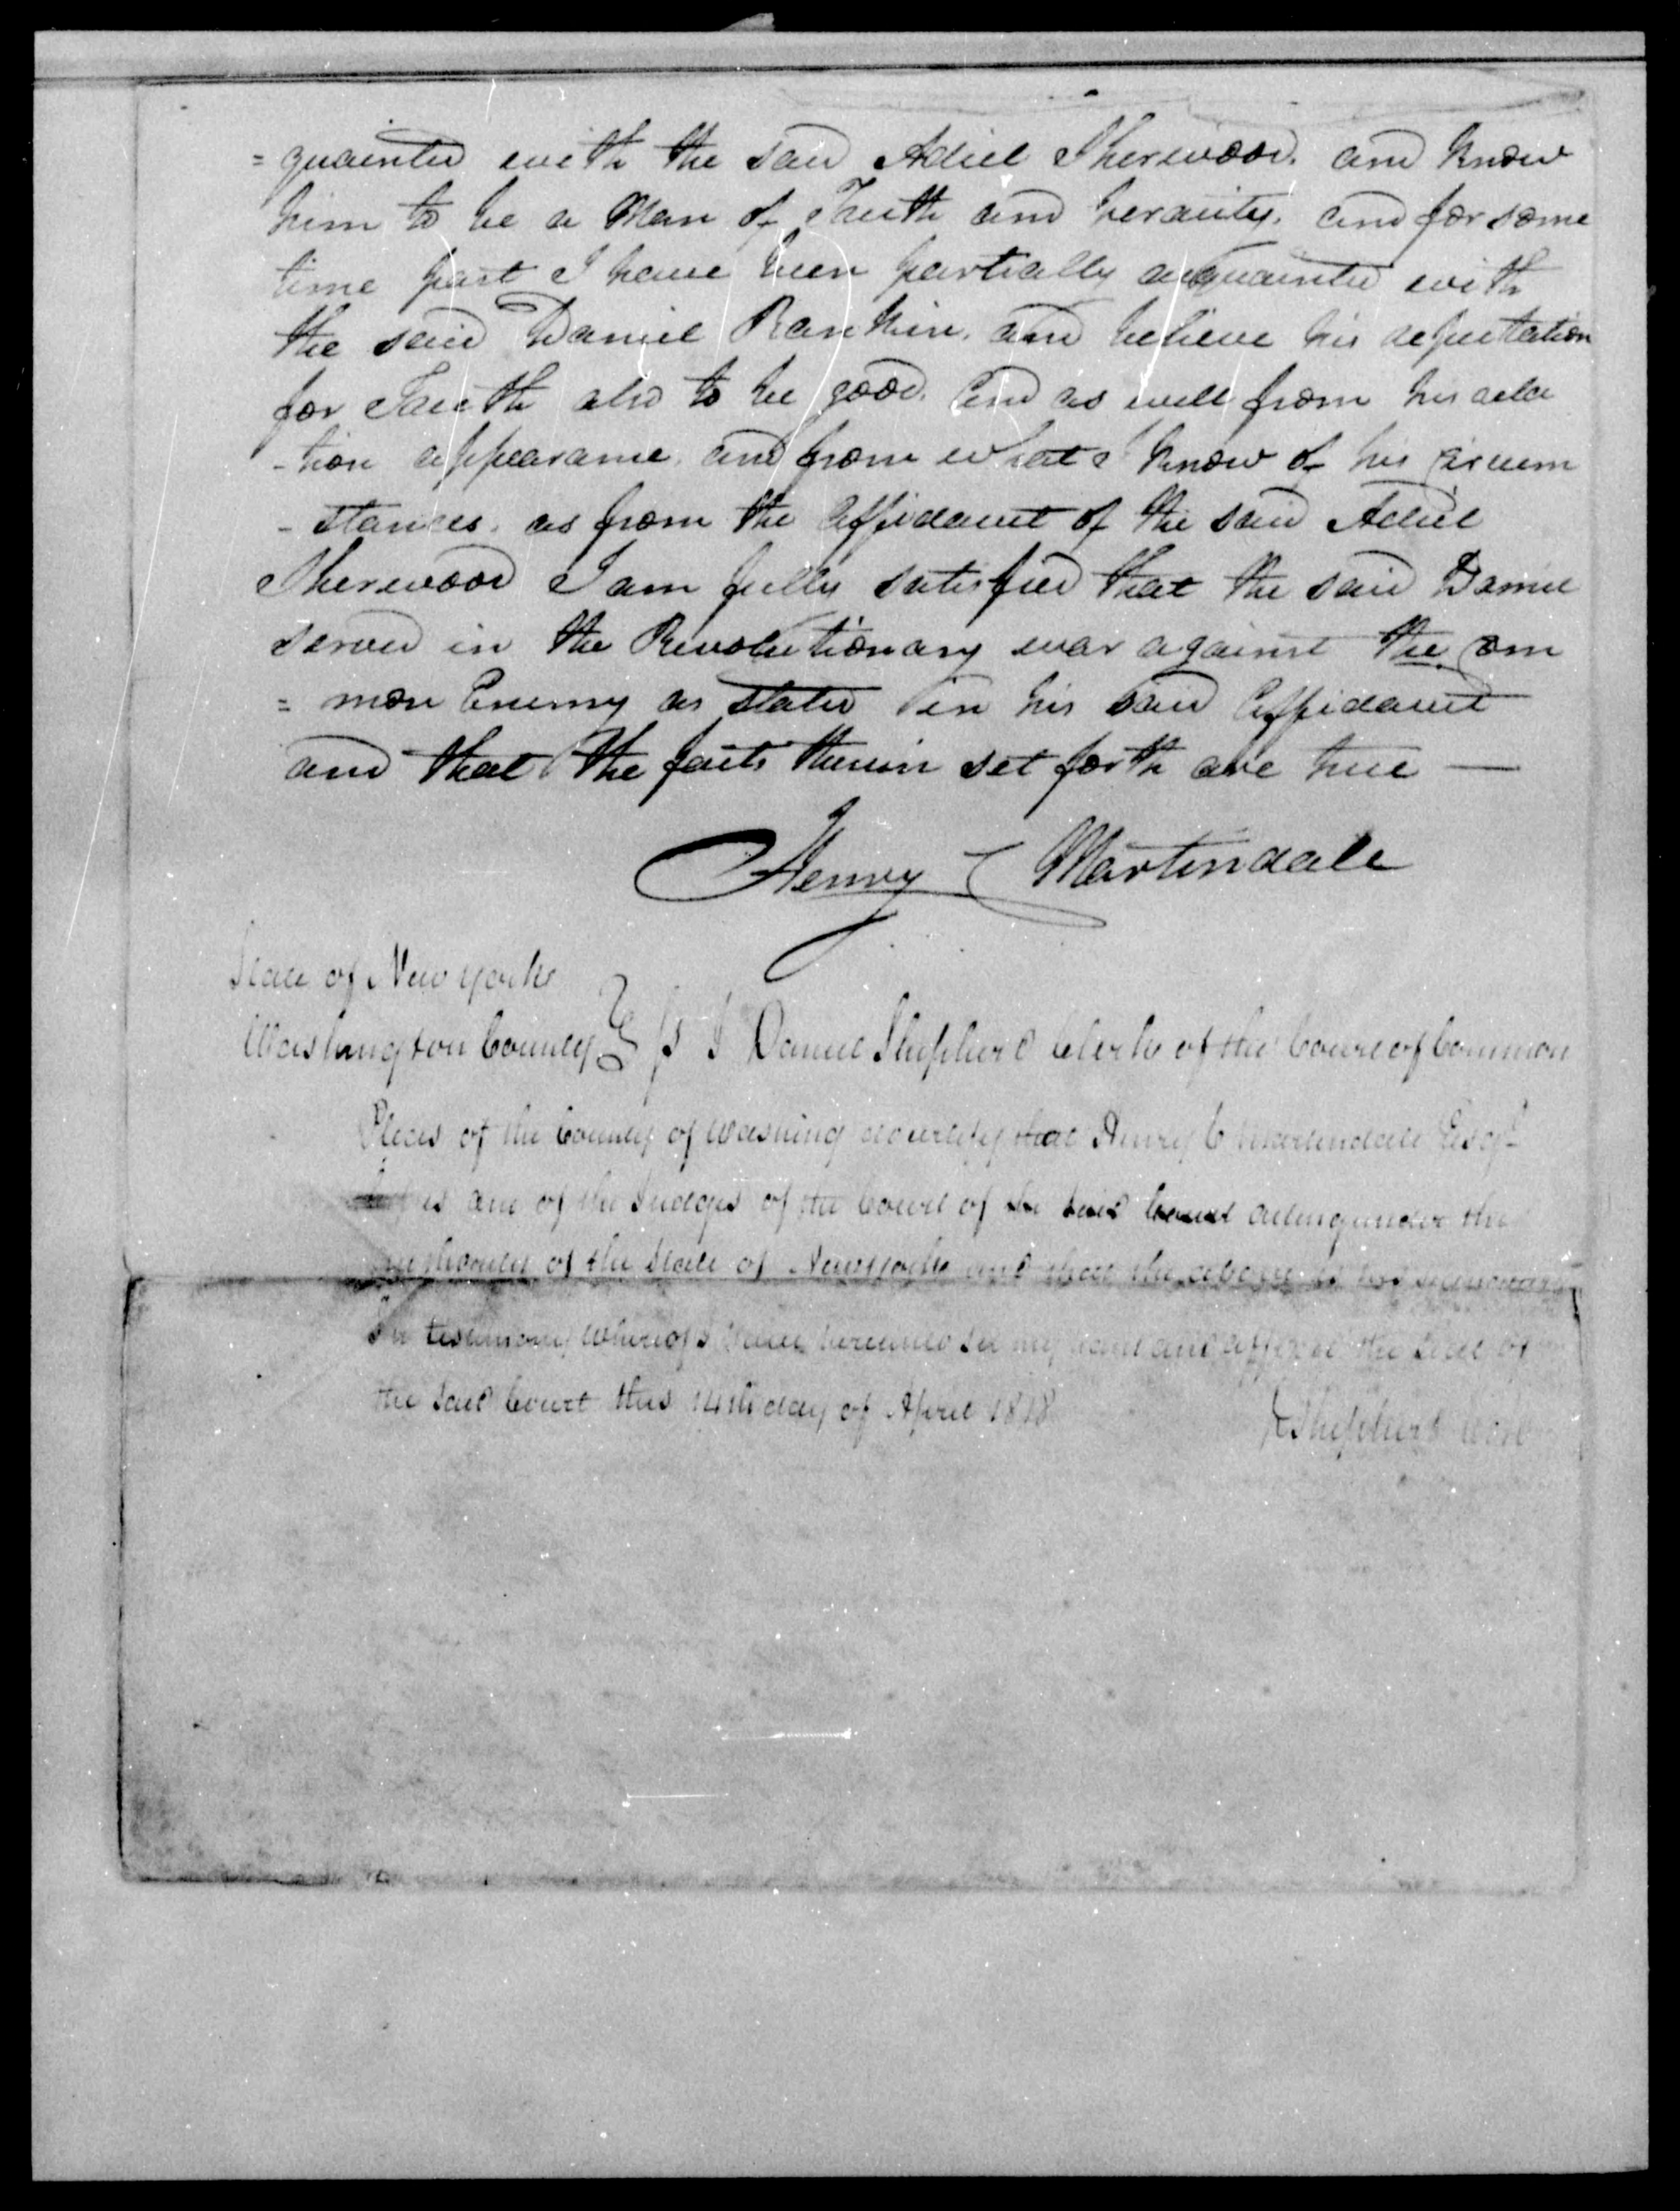quainted with the said Adiel Sherwood and know him to be a man of truth and veracity, and for some time past I have been partially acquainted with the said Daniel Rankin, and believe his reputation for truth also to be good. And as well from his (illegible) appearance and from what I know of his circumstances as from the affidavit of the said Adiel Sherwood I am fully satisfied that the said Daniel served in the Revolutionary war against the Common Enemy as stated in his said affidavit and that the facts therein set forth are true.
Henry C. Martindale

State of New York Washington County SS
I Daniel Shepherd Clerk of the Court of Common Pleas of the County of Washington do certify that Henry C. Martindale Esqr is one of the Judges of the Court acting under the authority of the State of New York and that the above is his signature. In testimony whereof I have hereunto set my hand and affixed the seal of the said court this 14th day of April 1818
A Shepherd Clk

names: Adiel Sherwood; Daniel [BLANK]; Daniel Shepherd; Adiel Sherwood; Daniel Rankin; Henry C Martindale; D Shepherd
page: 10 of 27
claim: survivor's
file: S. 43897, for Daniel Rankin, New York